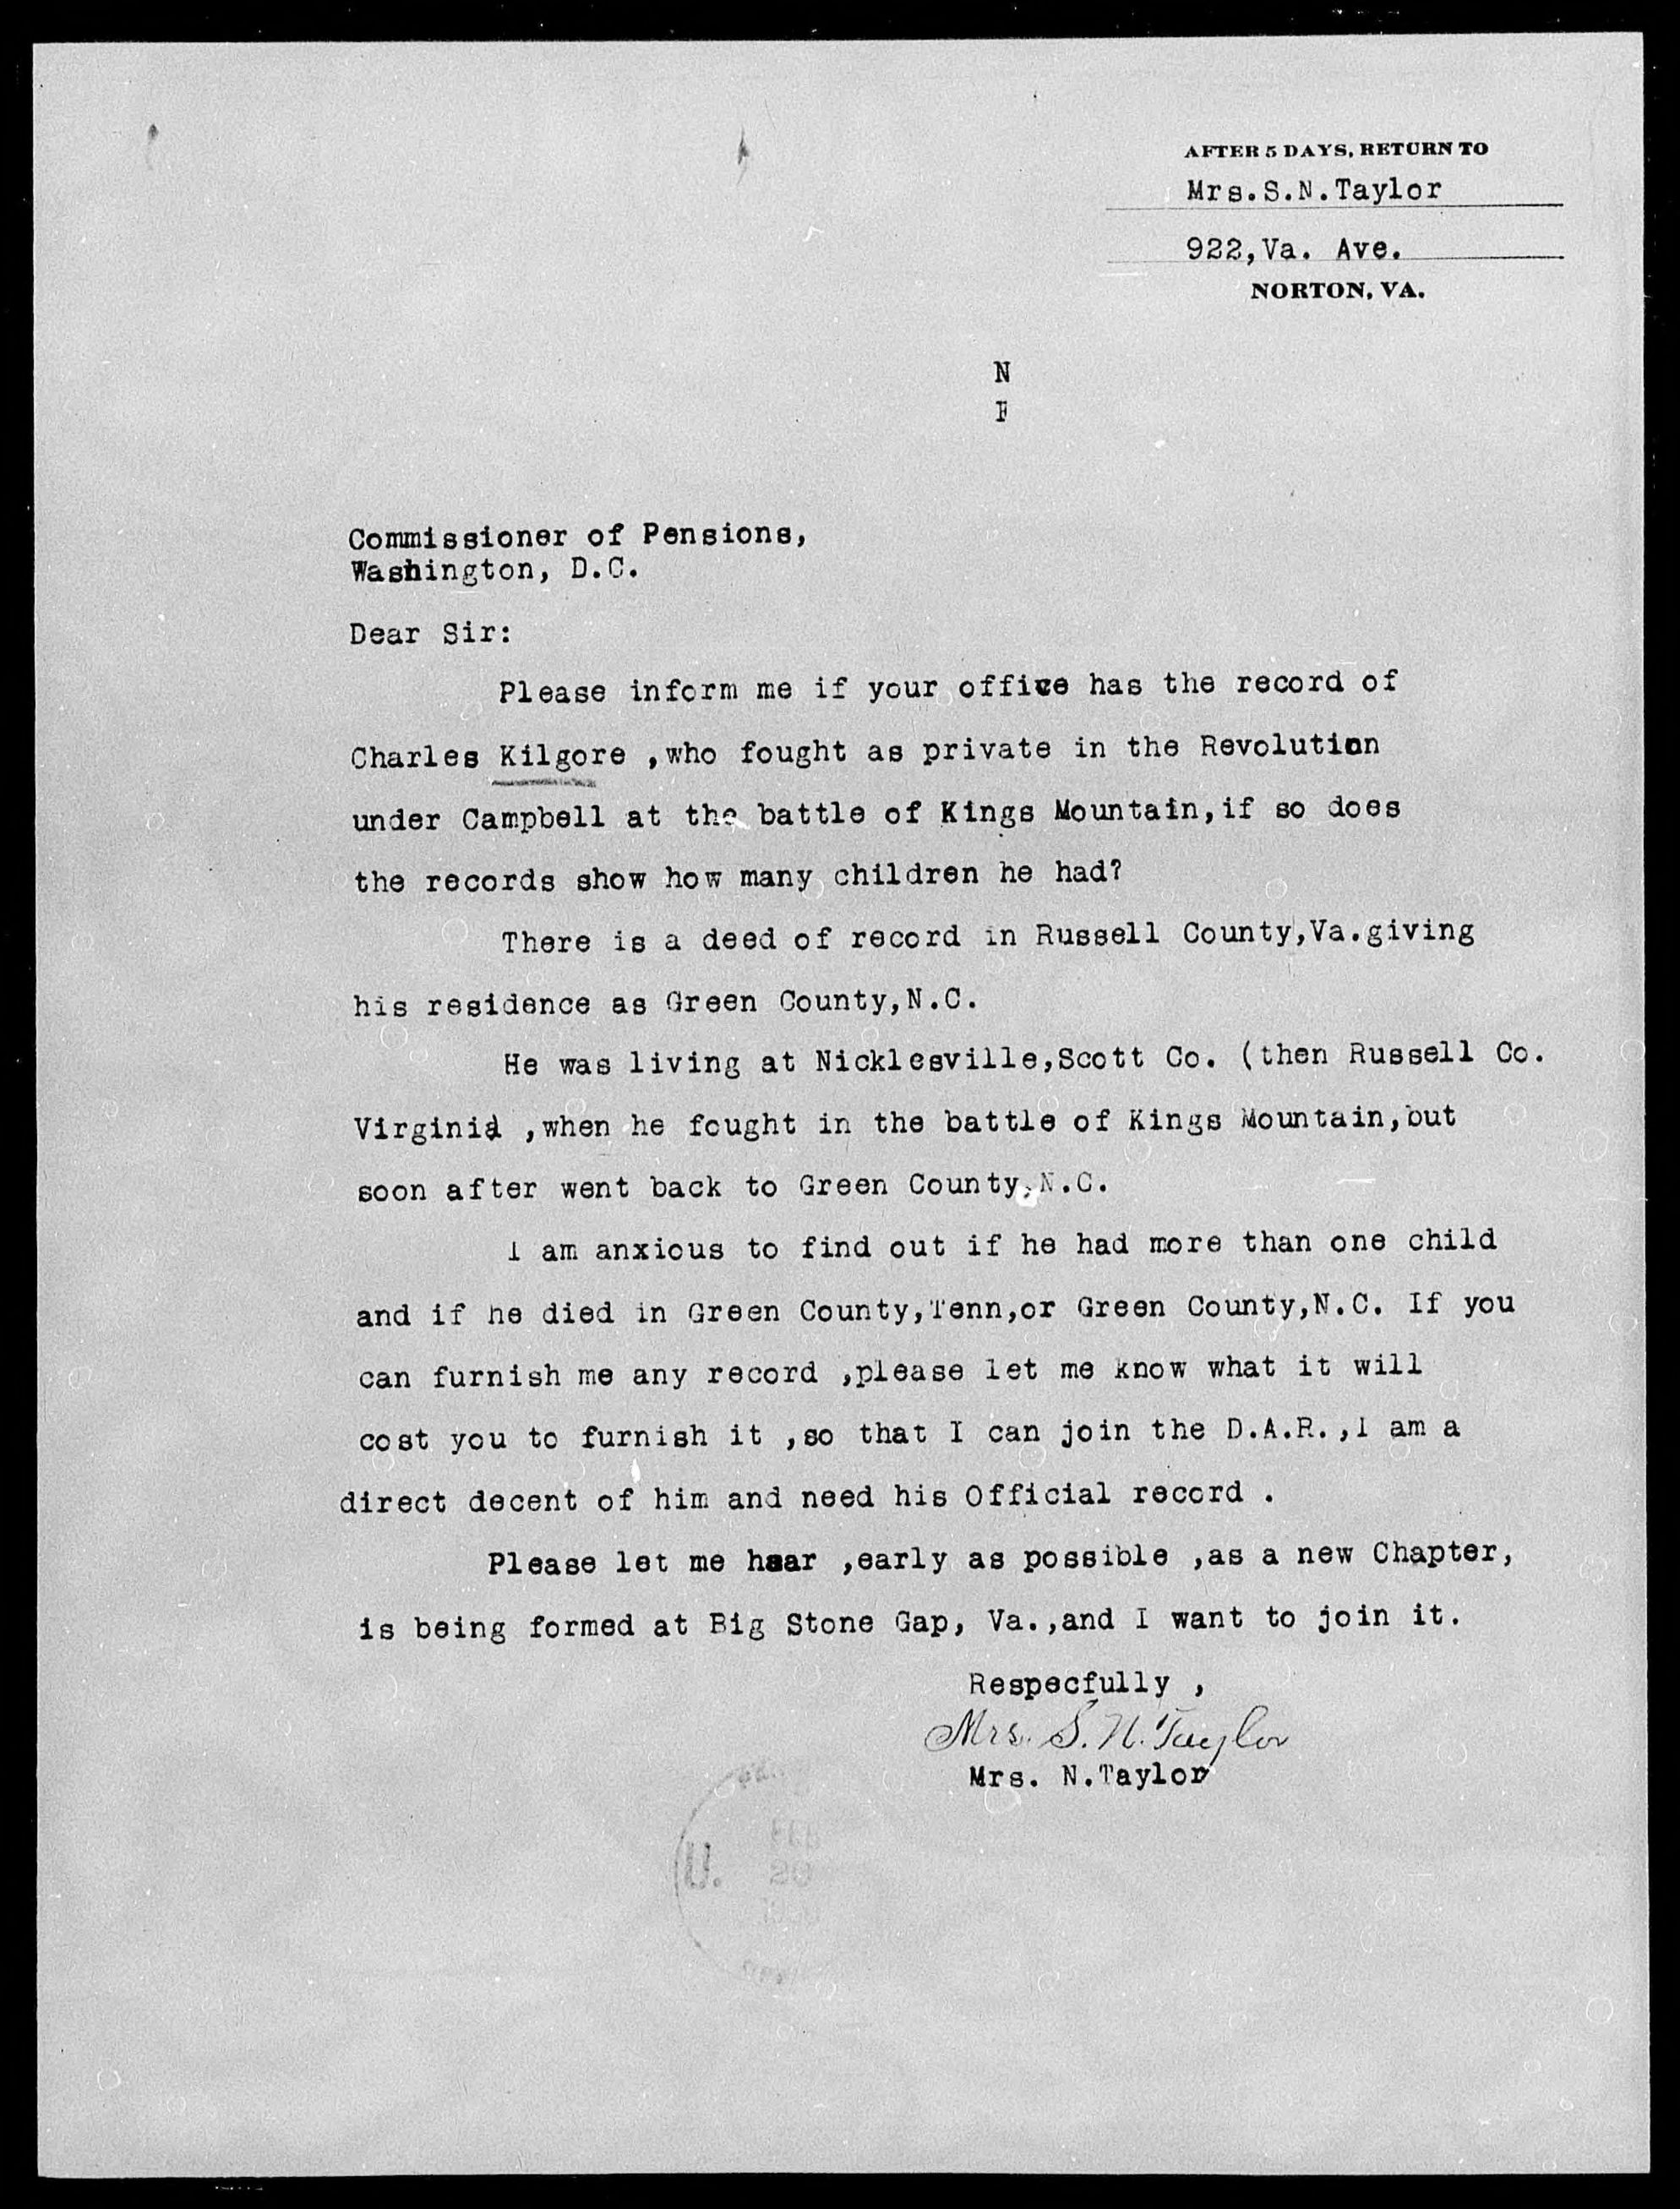AFTER 5 DAYS RETURN TO
Mrs.S.N.Taylor
922,Va. Ave.
NORTON, VA.
N
F
Commissioner of Pensions,
Washington, D.C.

Dear Sir:
Please inform me if your office has the record of Charles Kilgore ,who fought as private in the Revolution under Campbell at the battle of Kings Mountain,if so does
the records show how many children he had?
There is a deed of record in Russell County,Va.giving his residence as Green County,N.C.
He was living at Nicklesville,Scott Co. (then Russell Co. Virginia) ,when he fought in the battle of Kings Mountain,but soon after went back to Green County,N. C.
I am anxious to find out if he had more than one child and if he died in Green County,Tenn,or Green County,N.C. If you
can furnish me any record ,please let me know what it will cost you to furnish it ,so that I can join the D.A.R., I am a direct decent of him and need his Official record.
Please let me hear ,early as possible ,as a new Chapter, is being formed at Big Stone Gap, Va.,and I want to join it.
Respecfully,
Mrs. S. N. Taylor
Mrs. N.Taylor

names: S N Taylor; Charles Kilgore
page: 75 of 115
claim: survivor's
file: S. 699, for Charles Kilgore, Virginia